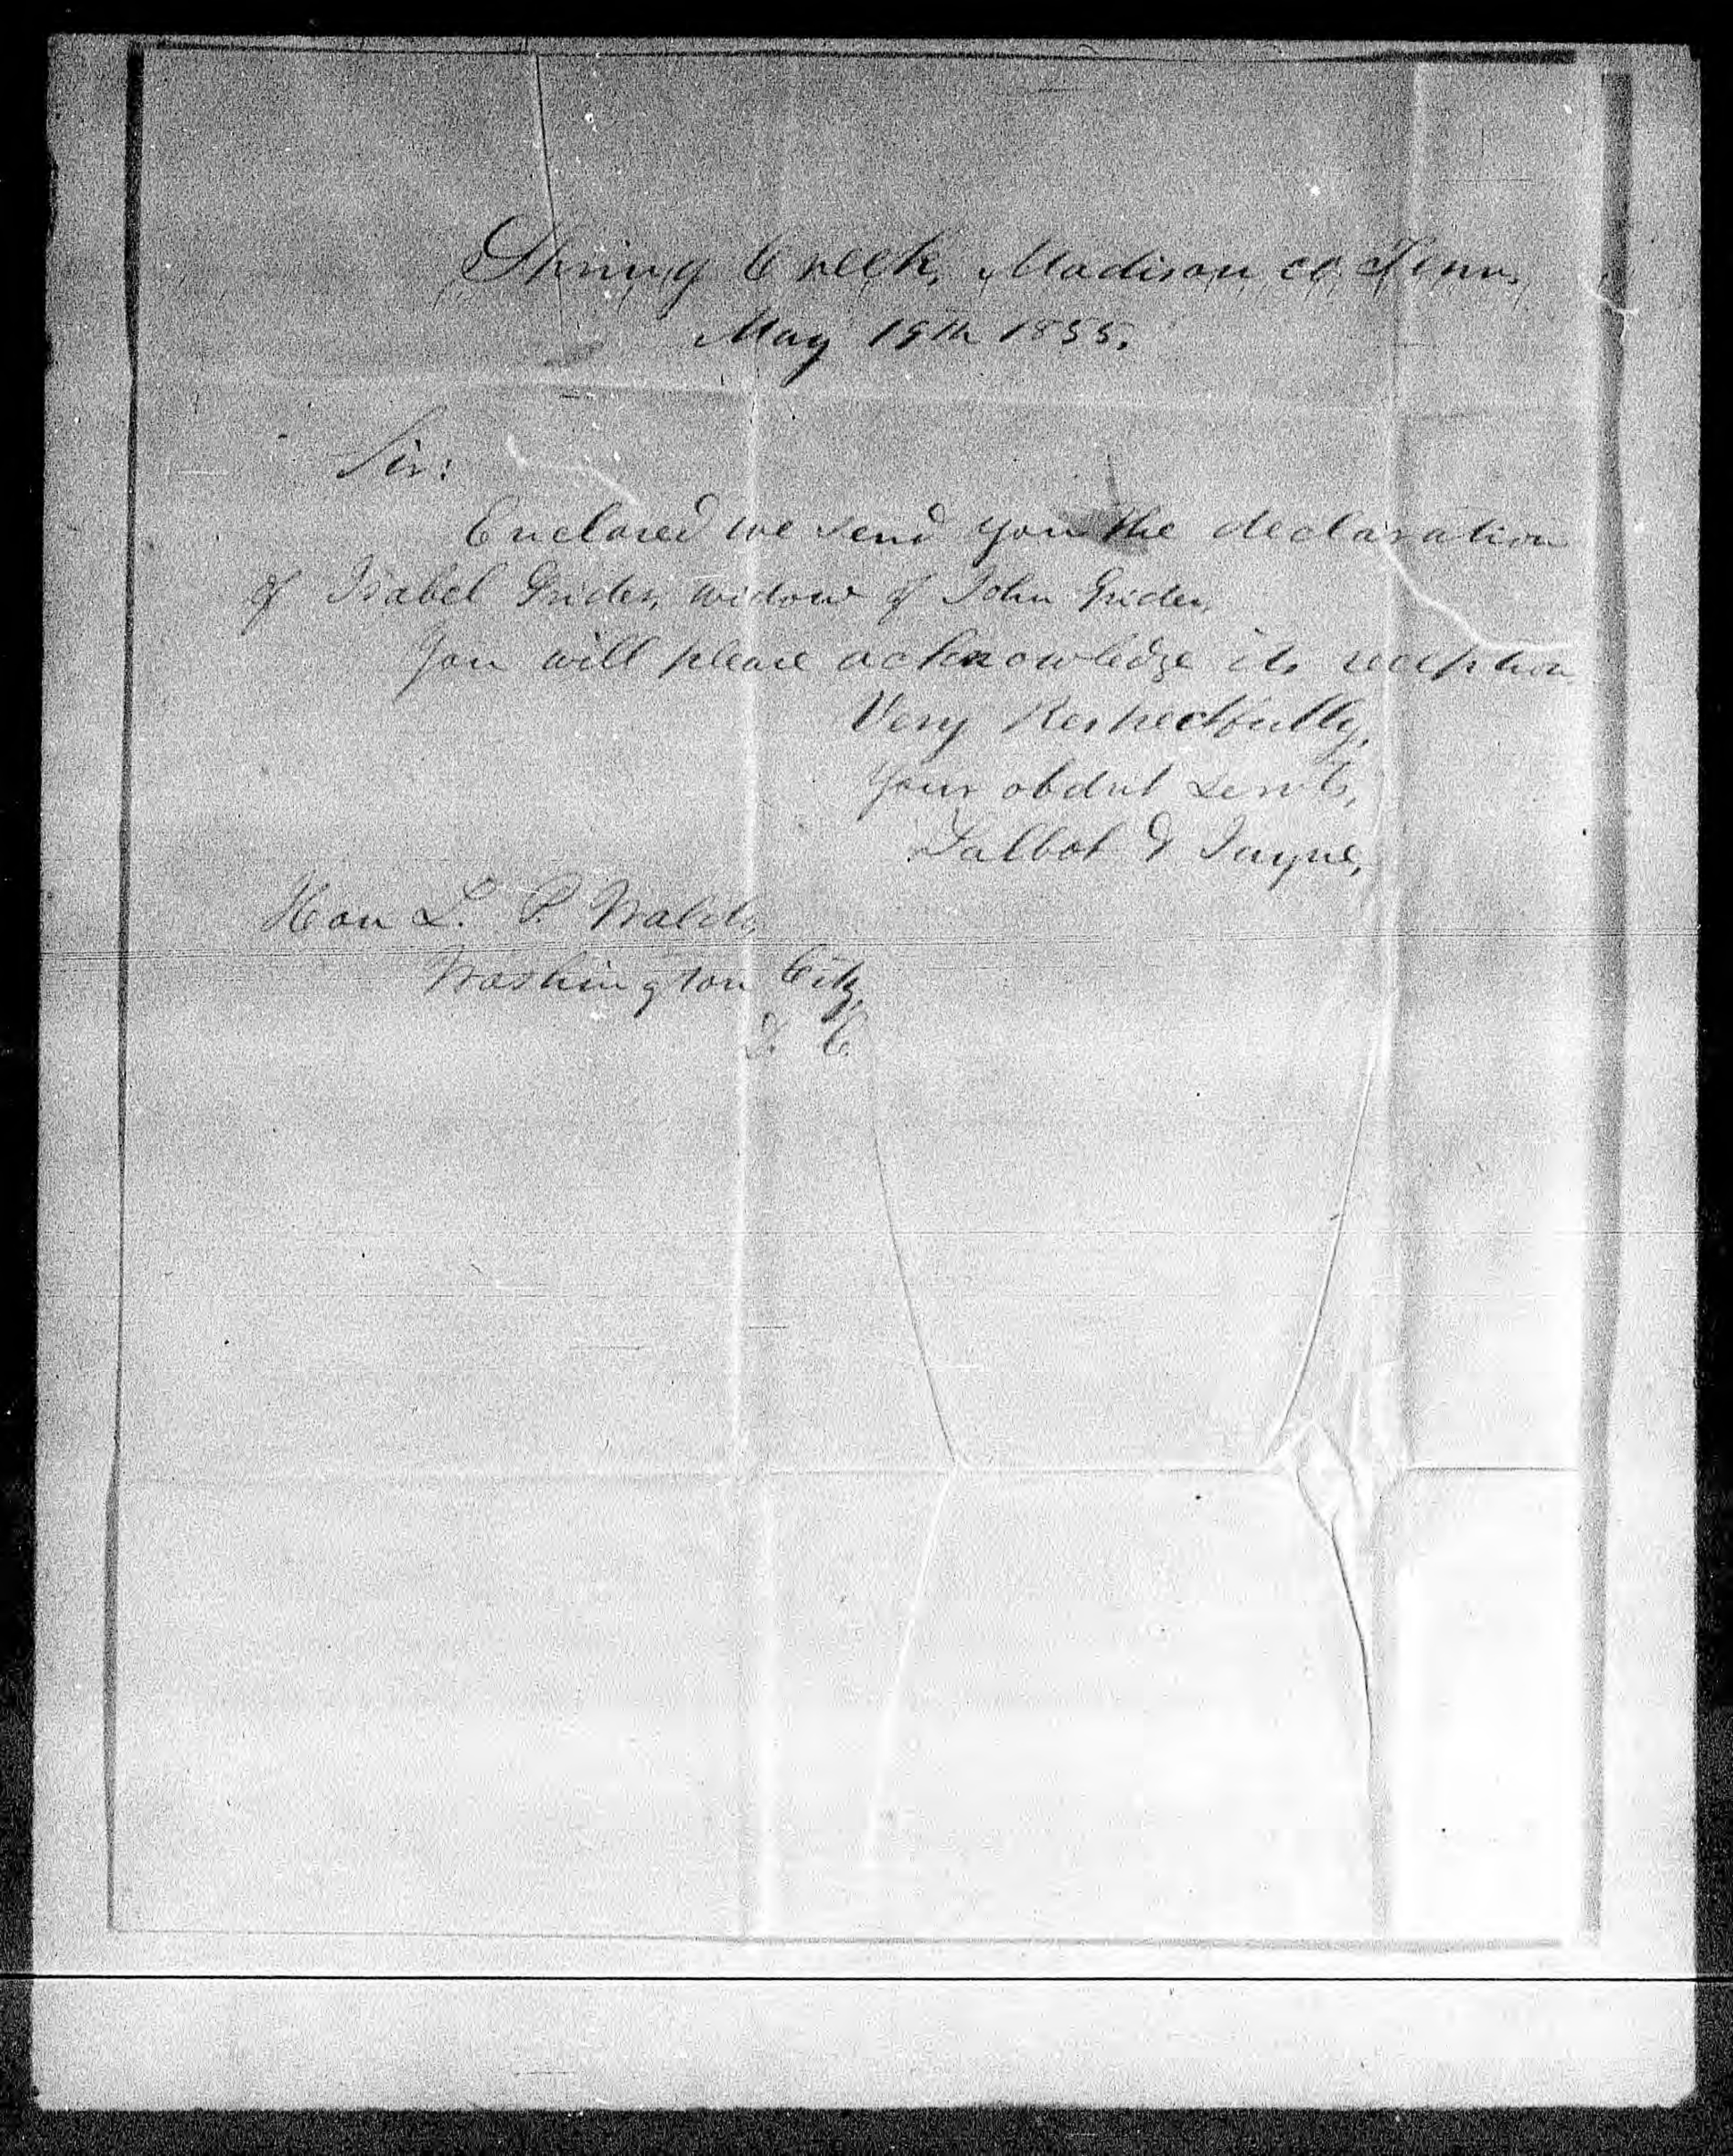Spring Creek Madison Co Tenn
May 19th 18[5]5
Sir
Enclosed we send you the declaration of Isabel Grider widow of John Grider
You will please acknowledge its receipt
Very Respectfully
Your obedient servant
Talbot [illegible] Jayne
Hon L P Waldo
Washington City
S C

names: Jayne, Talbot, L P Waldo, John Grider, Isabel Grider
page: 77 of 91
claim: widow's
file: W 358, John Grider, N.C.